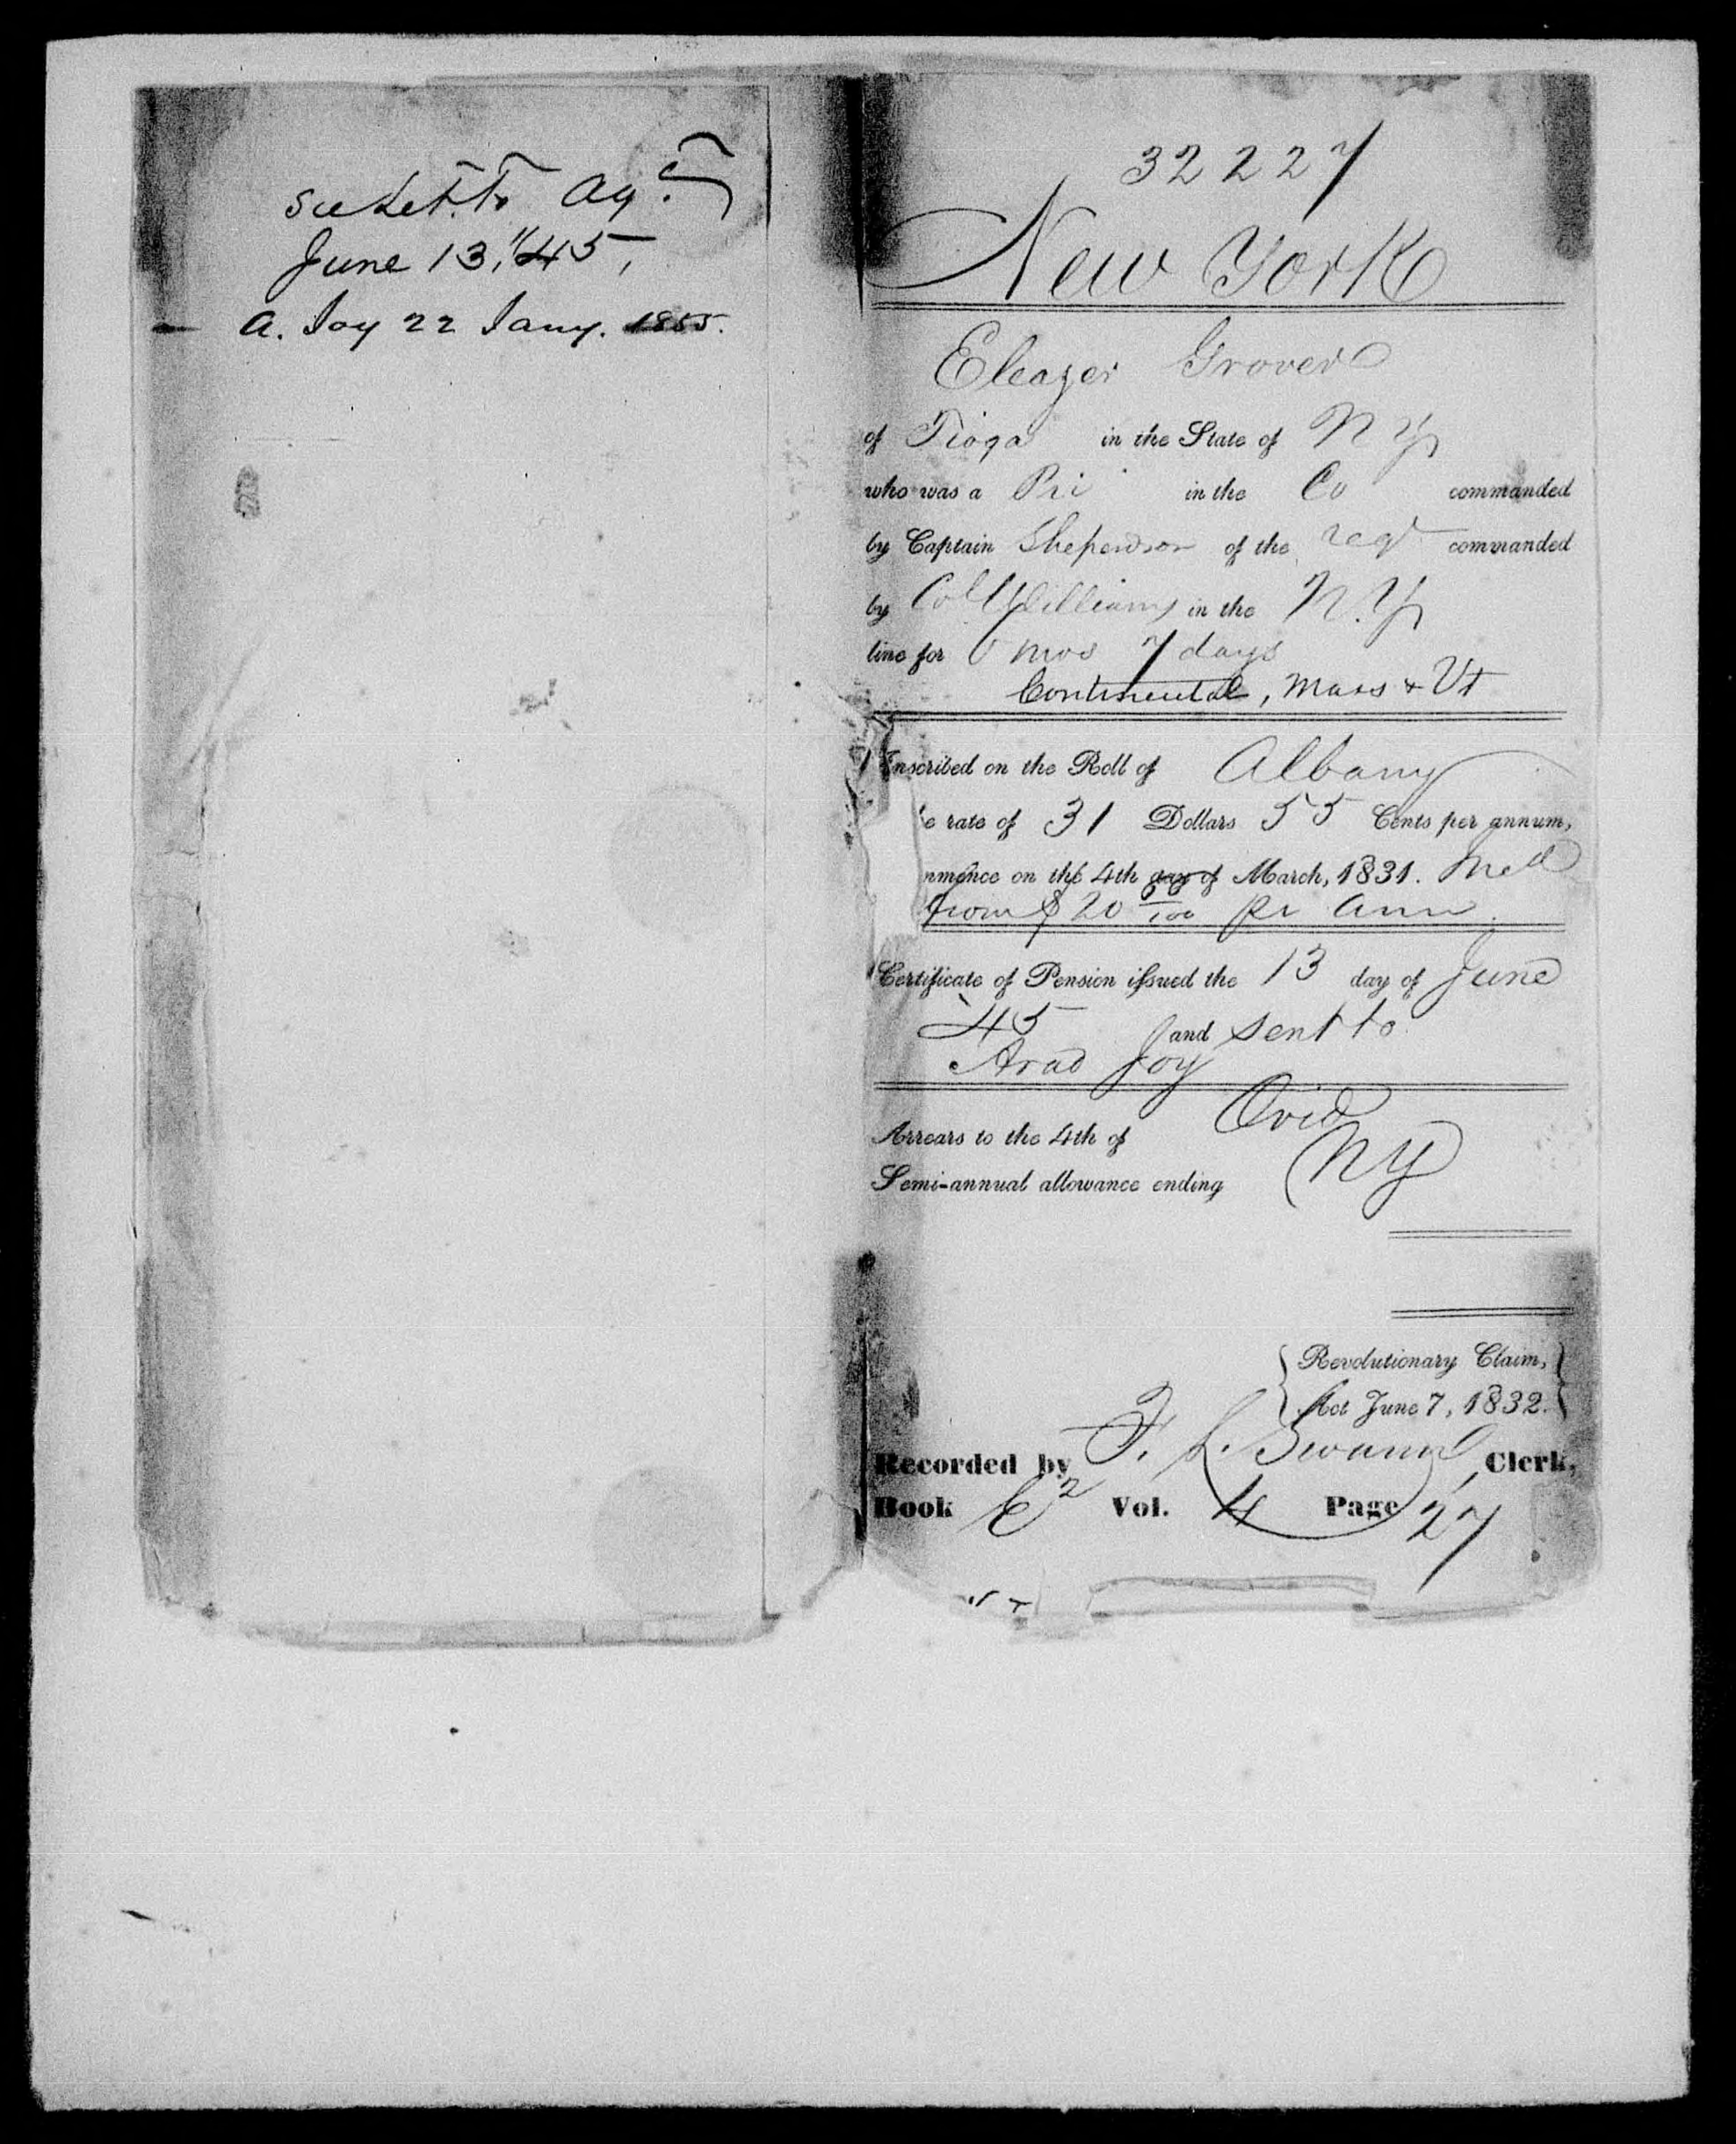[verso]
see Let To Ag't June 13, '45, A. Joy 22 Jany. 1855.

[recto]
32224
New York
Eleazer Grover of Tioga in the State of NY who was a Pri in the Co commanded by Captain Shepardson of the regt commanded by Col. Williams in the N.Y. line for 6 mos 7 days 
Continental, Mass & Vt
Inscribed on the Roll of Albany at the rate of 31 Dollars 55 Cents per annum, to commence on the 4th day of March, 1831. Inc'd from $20.00 pr ann.
Certificate of Pension issued the 13 day of June '45 and sent to Arad Joy Ovid NY
Arrears to the 4th of [blank]
Semi-annual allowance ending [blank]
{Revolutionary Claim, Act June 7, 1832}
Recorded by F. S. Swann, Clerk.
Book E2 Vol. 4 Page 27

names: F L Swann, Eleazer Grover, Arad Joy, Williams, Sheperdson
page: 2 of 43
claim: survivor's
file: S. 28748, Eleazer Grover, Continental Mass. Vt.